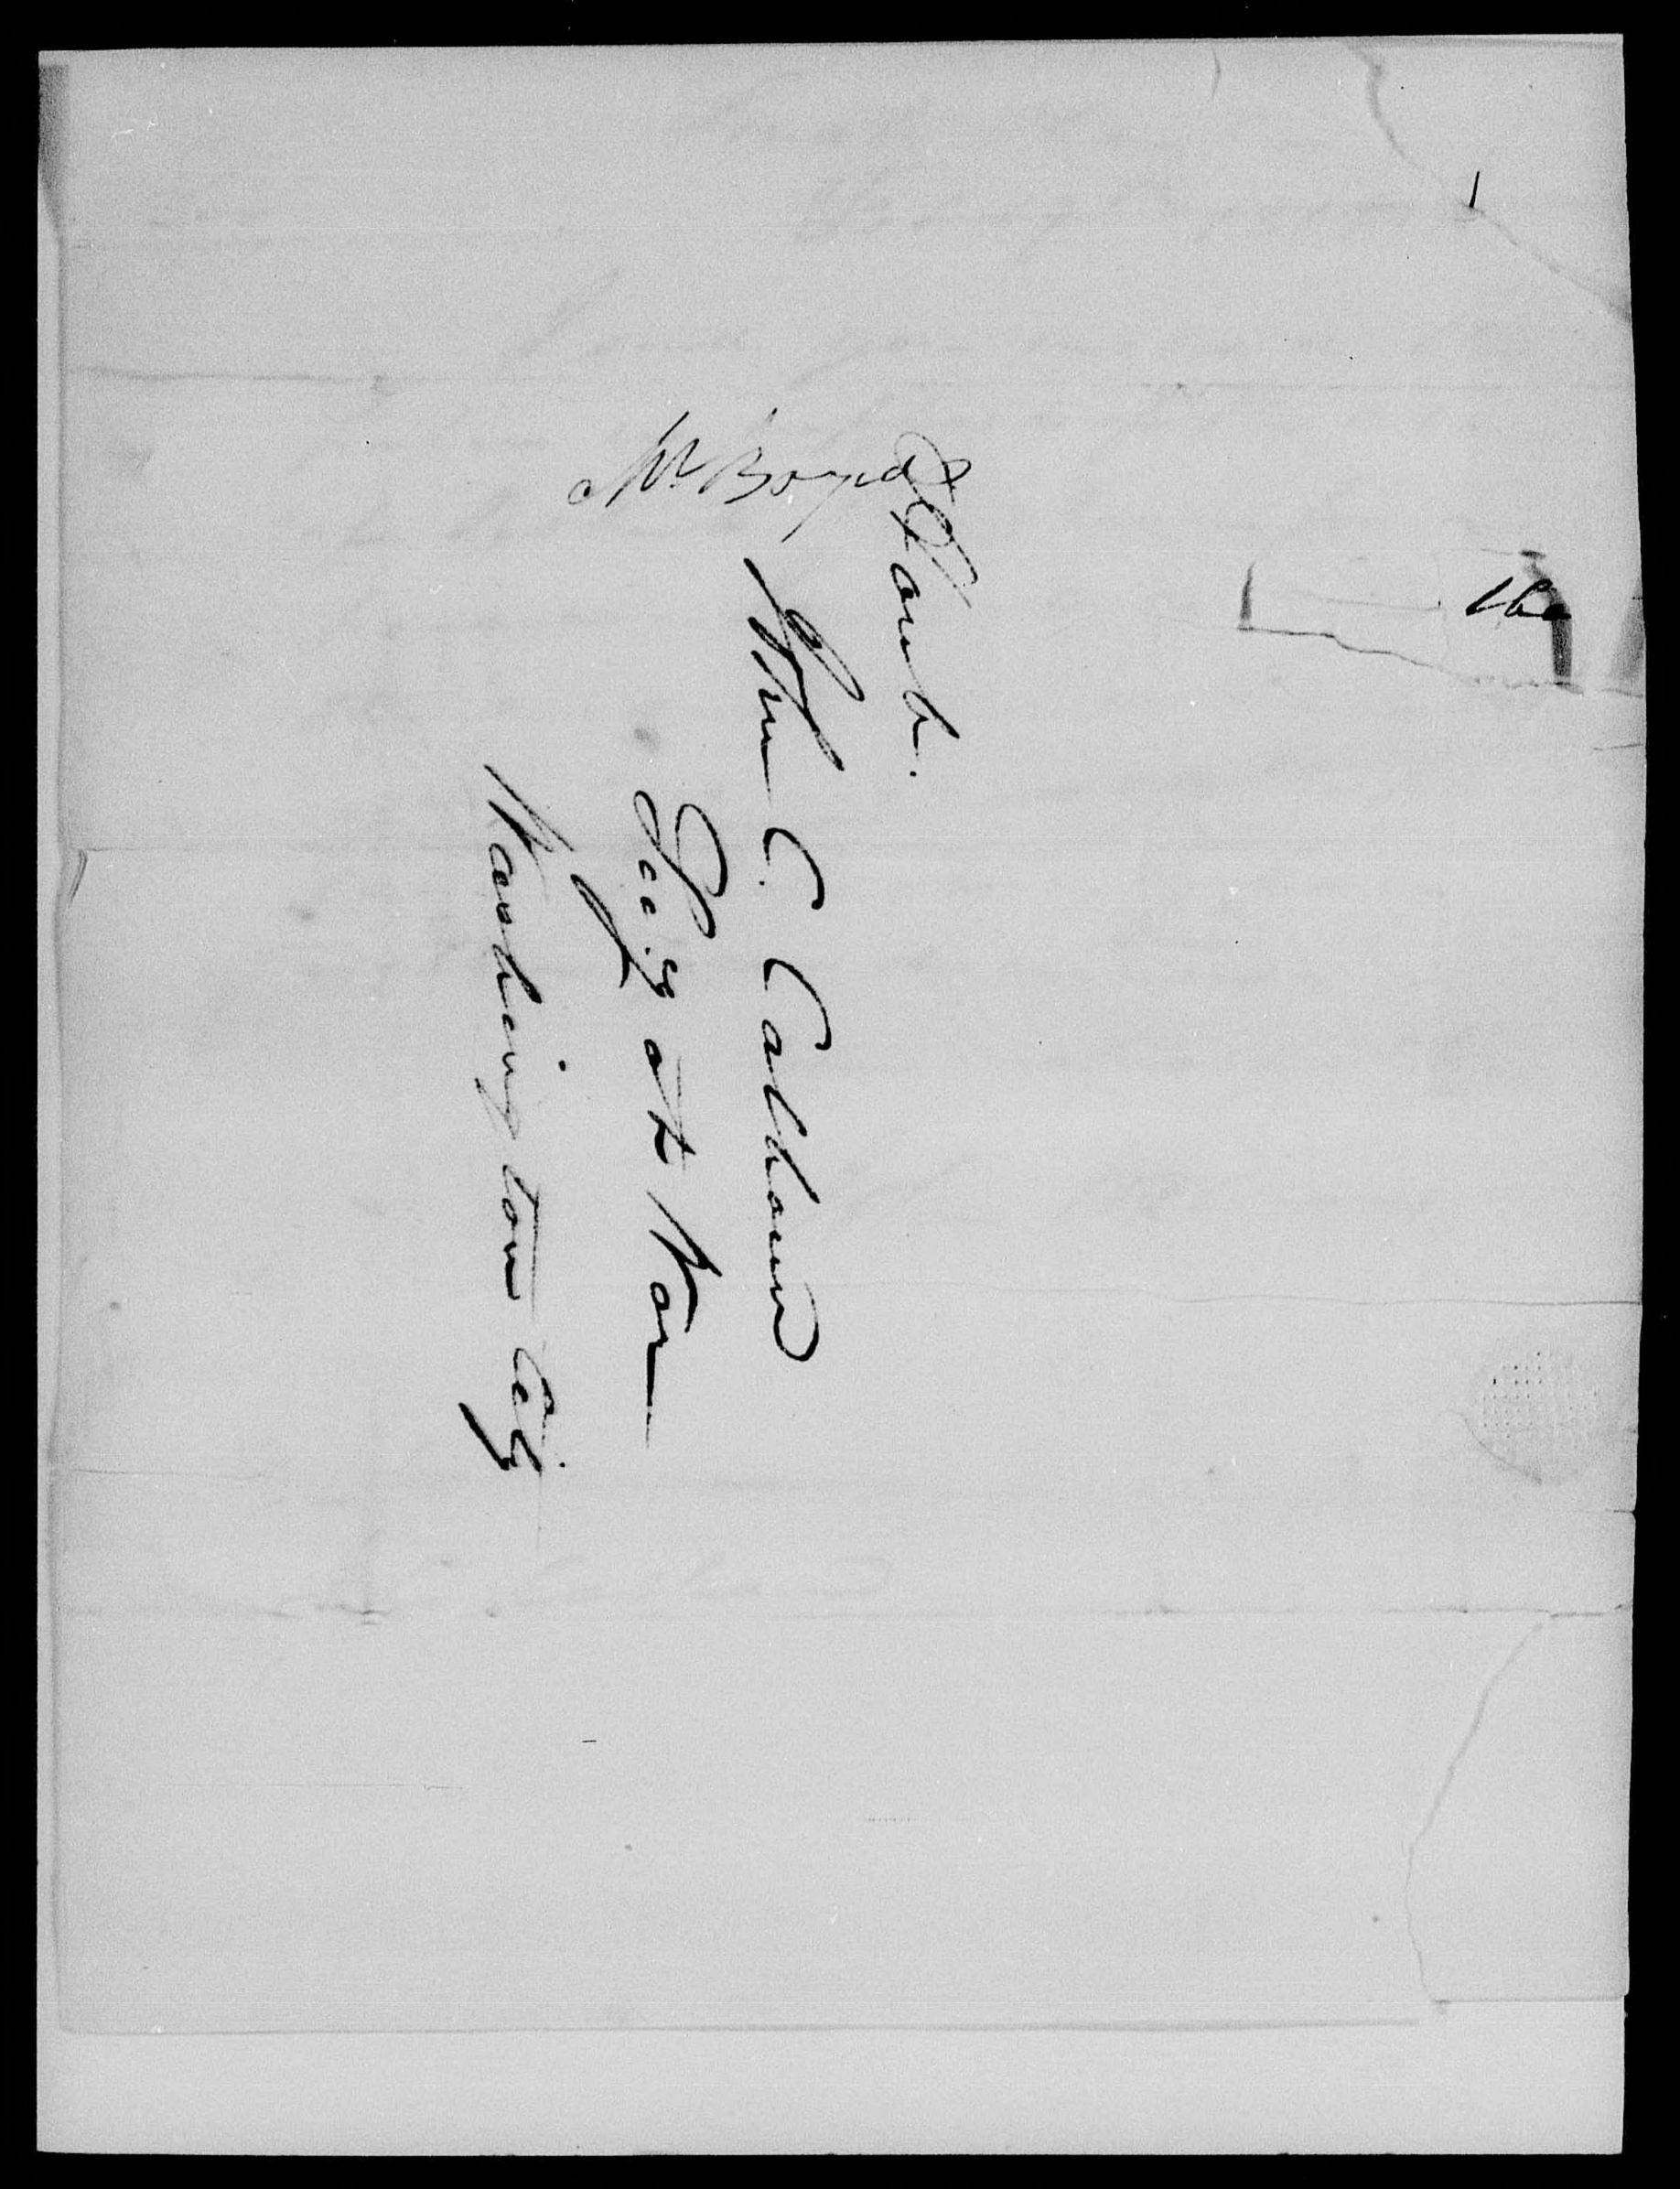Mr Boyd
Haub
John C. Calhoun
Washington City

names: Boyrd, John C Calhoun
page: 17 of 26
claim: survivor's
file: S. 352, Robert Craighead, N.C.